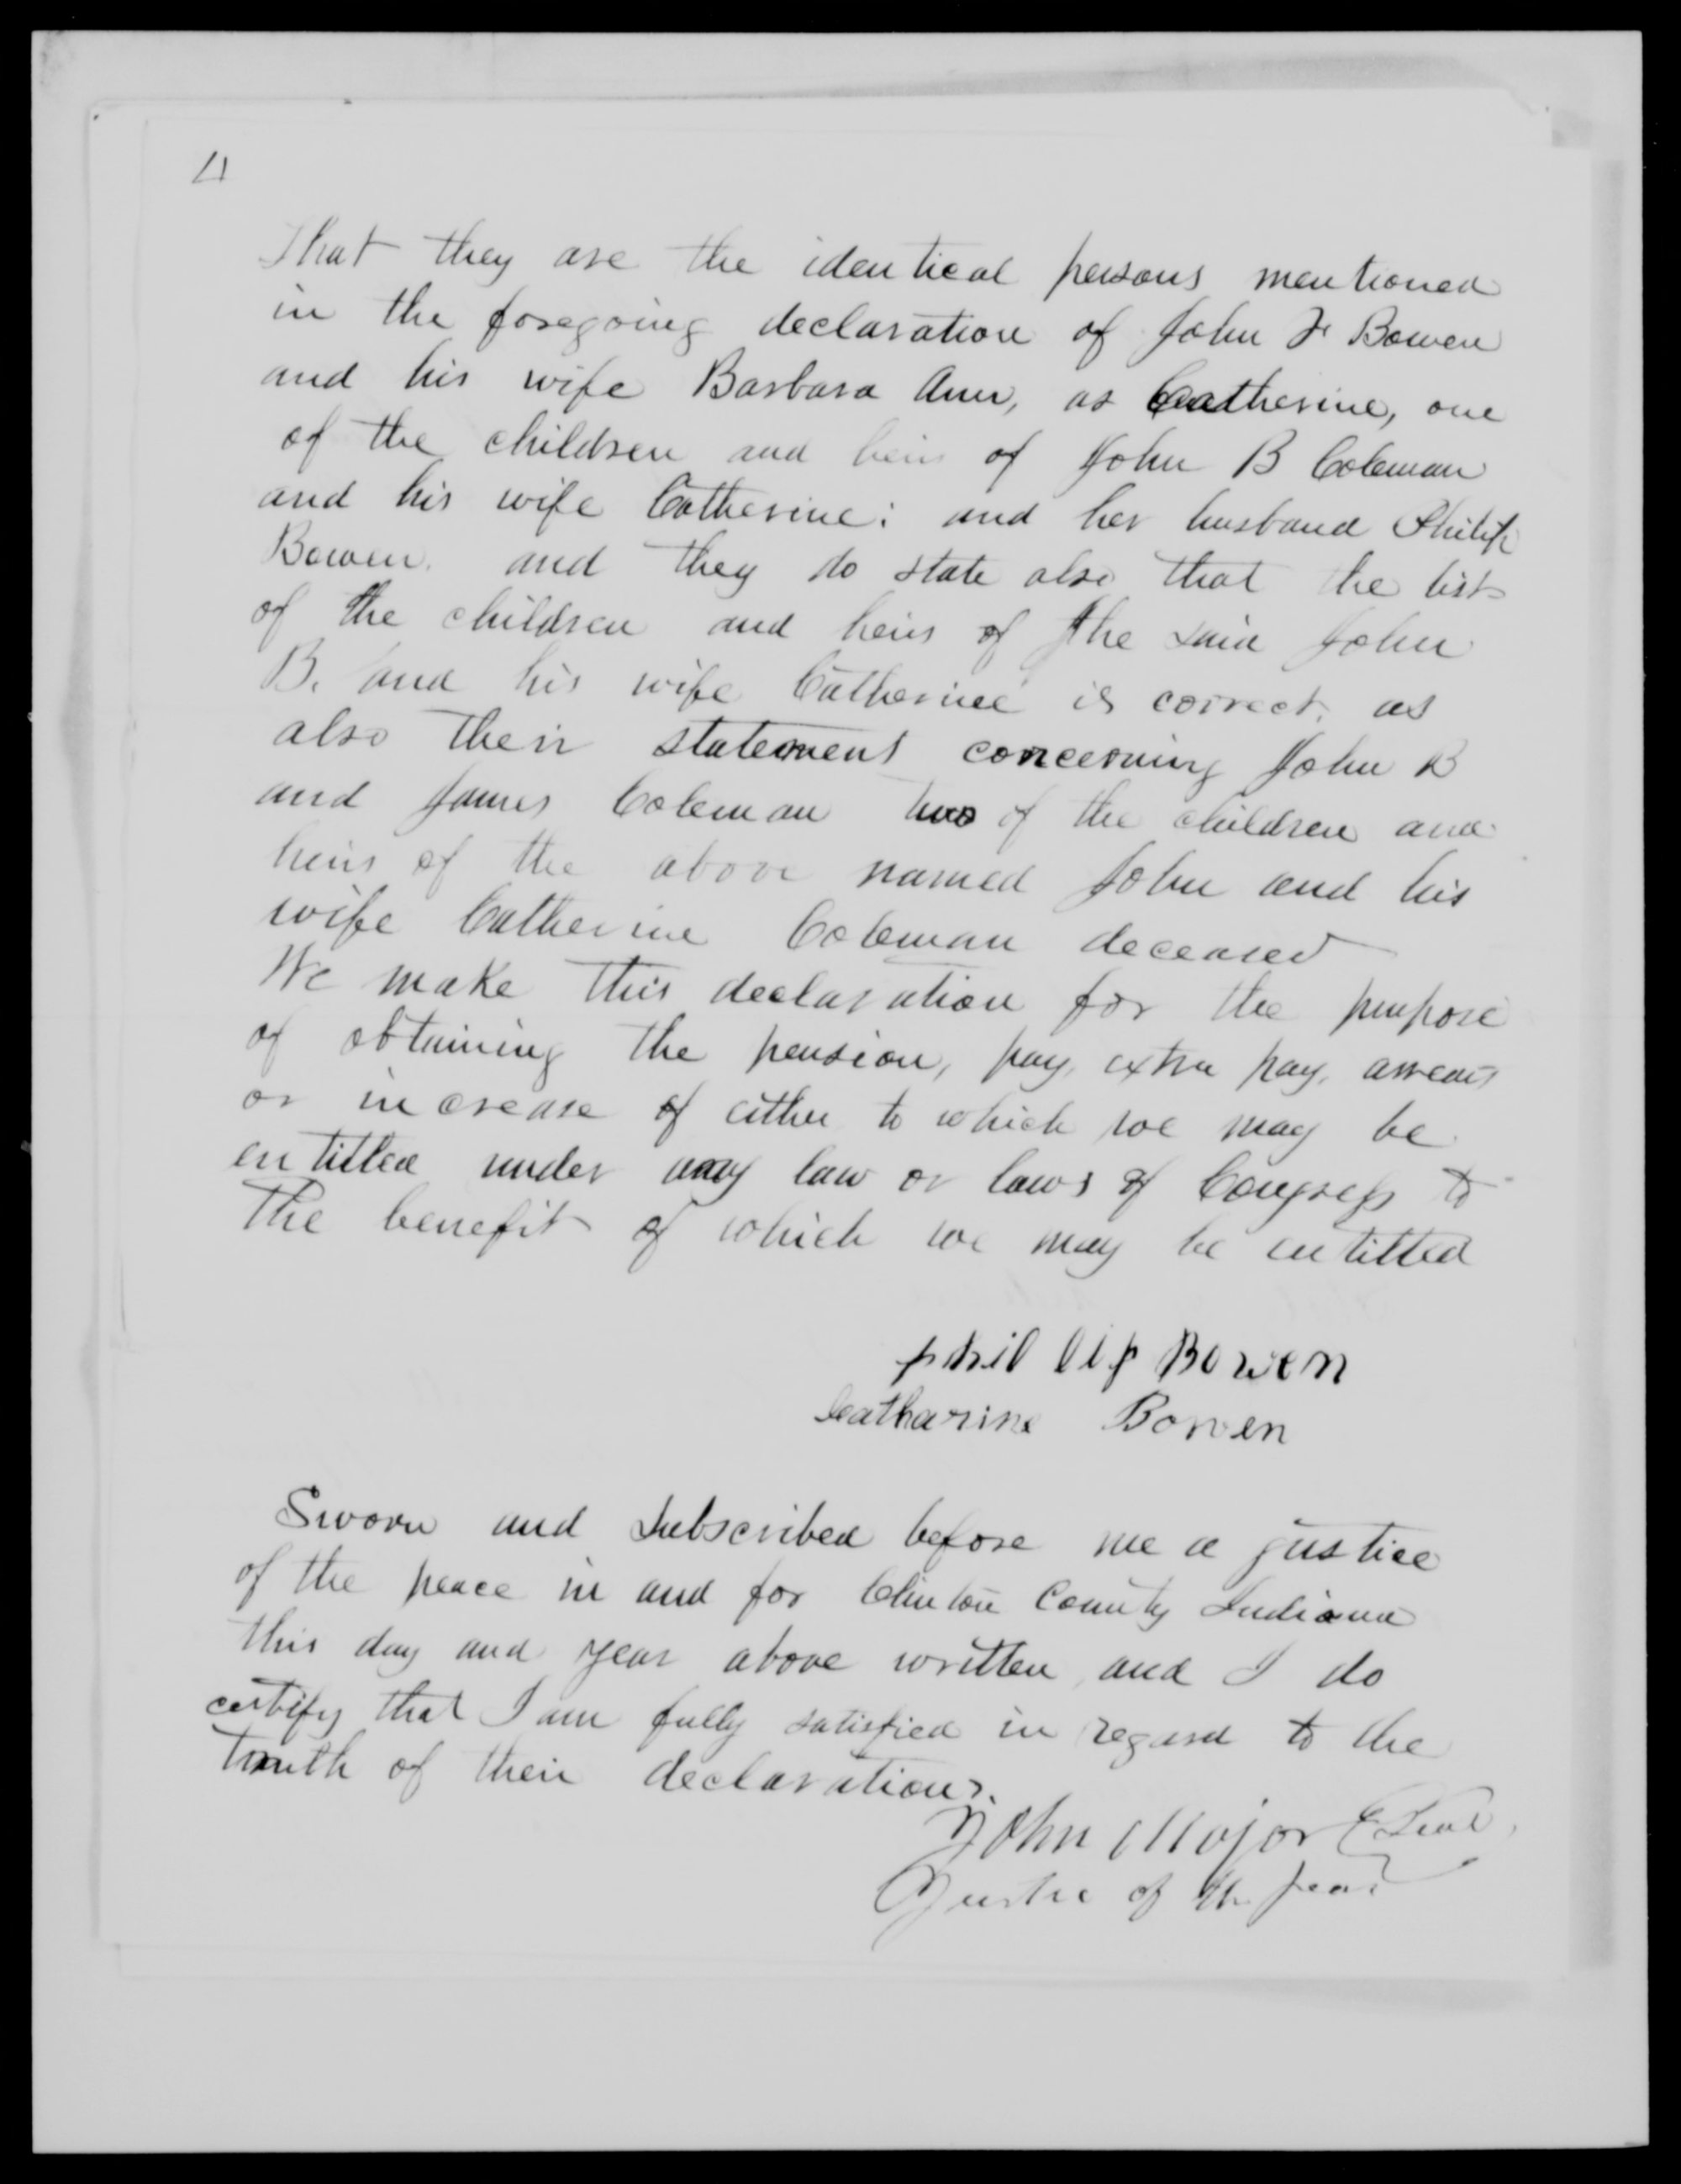4
that they are the identical persons mentioned
in the foregoing declaration of John F Bowen
and his wife Barbara Ann, as Catherine, one of the
children and heirs of John B Coleman
and his wife Catherine: and her husband Philip
Bowen, and they do state also that the list
of the children and heirs of the said John B, and his wife Catherine is correct,  as
also their statement concerning John B
and James Coleman two of the children and
heirs of the above named John and his
wife Catherine Coleman deceased.
We make this declaration for the purpose
of obtaining the pension, pay extra pay, arrears
or increase of either to which we may be
entitled under any law or laws of Congress to
the benefit of which we may be entitled
Philip Bowen
Catharine Bowen

Sworn and subscribed before me a justice
of the peace in and for Clinton County Indiana
this day and year above written and I do
certify that I am fully satisfied in regard to the
truth of their declaration.
 John Major {seal}
Justice of the peace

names: Philip Bowen, Catharine Bowen, John Major, Phillip Bowen, John F Bowen, John B Coleman, Catherine, Barbara Ann, Catherine Coleman, James Coleman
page: 119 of 123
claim: rejected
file: R. 11,949, Matthias Young, Md.